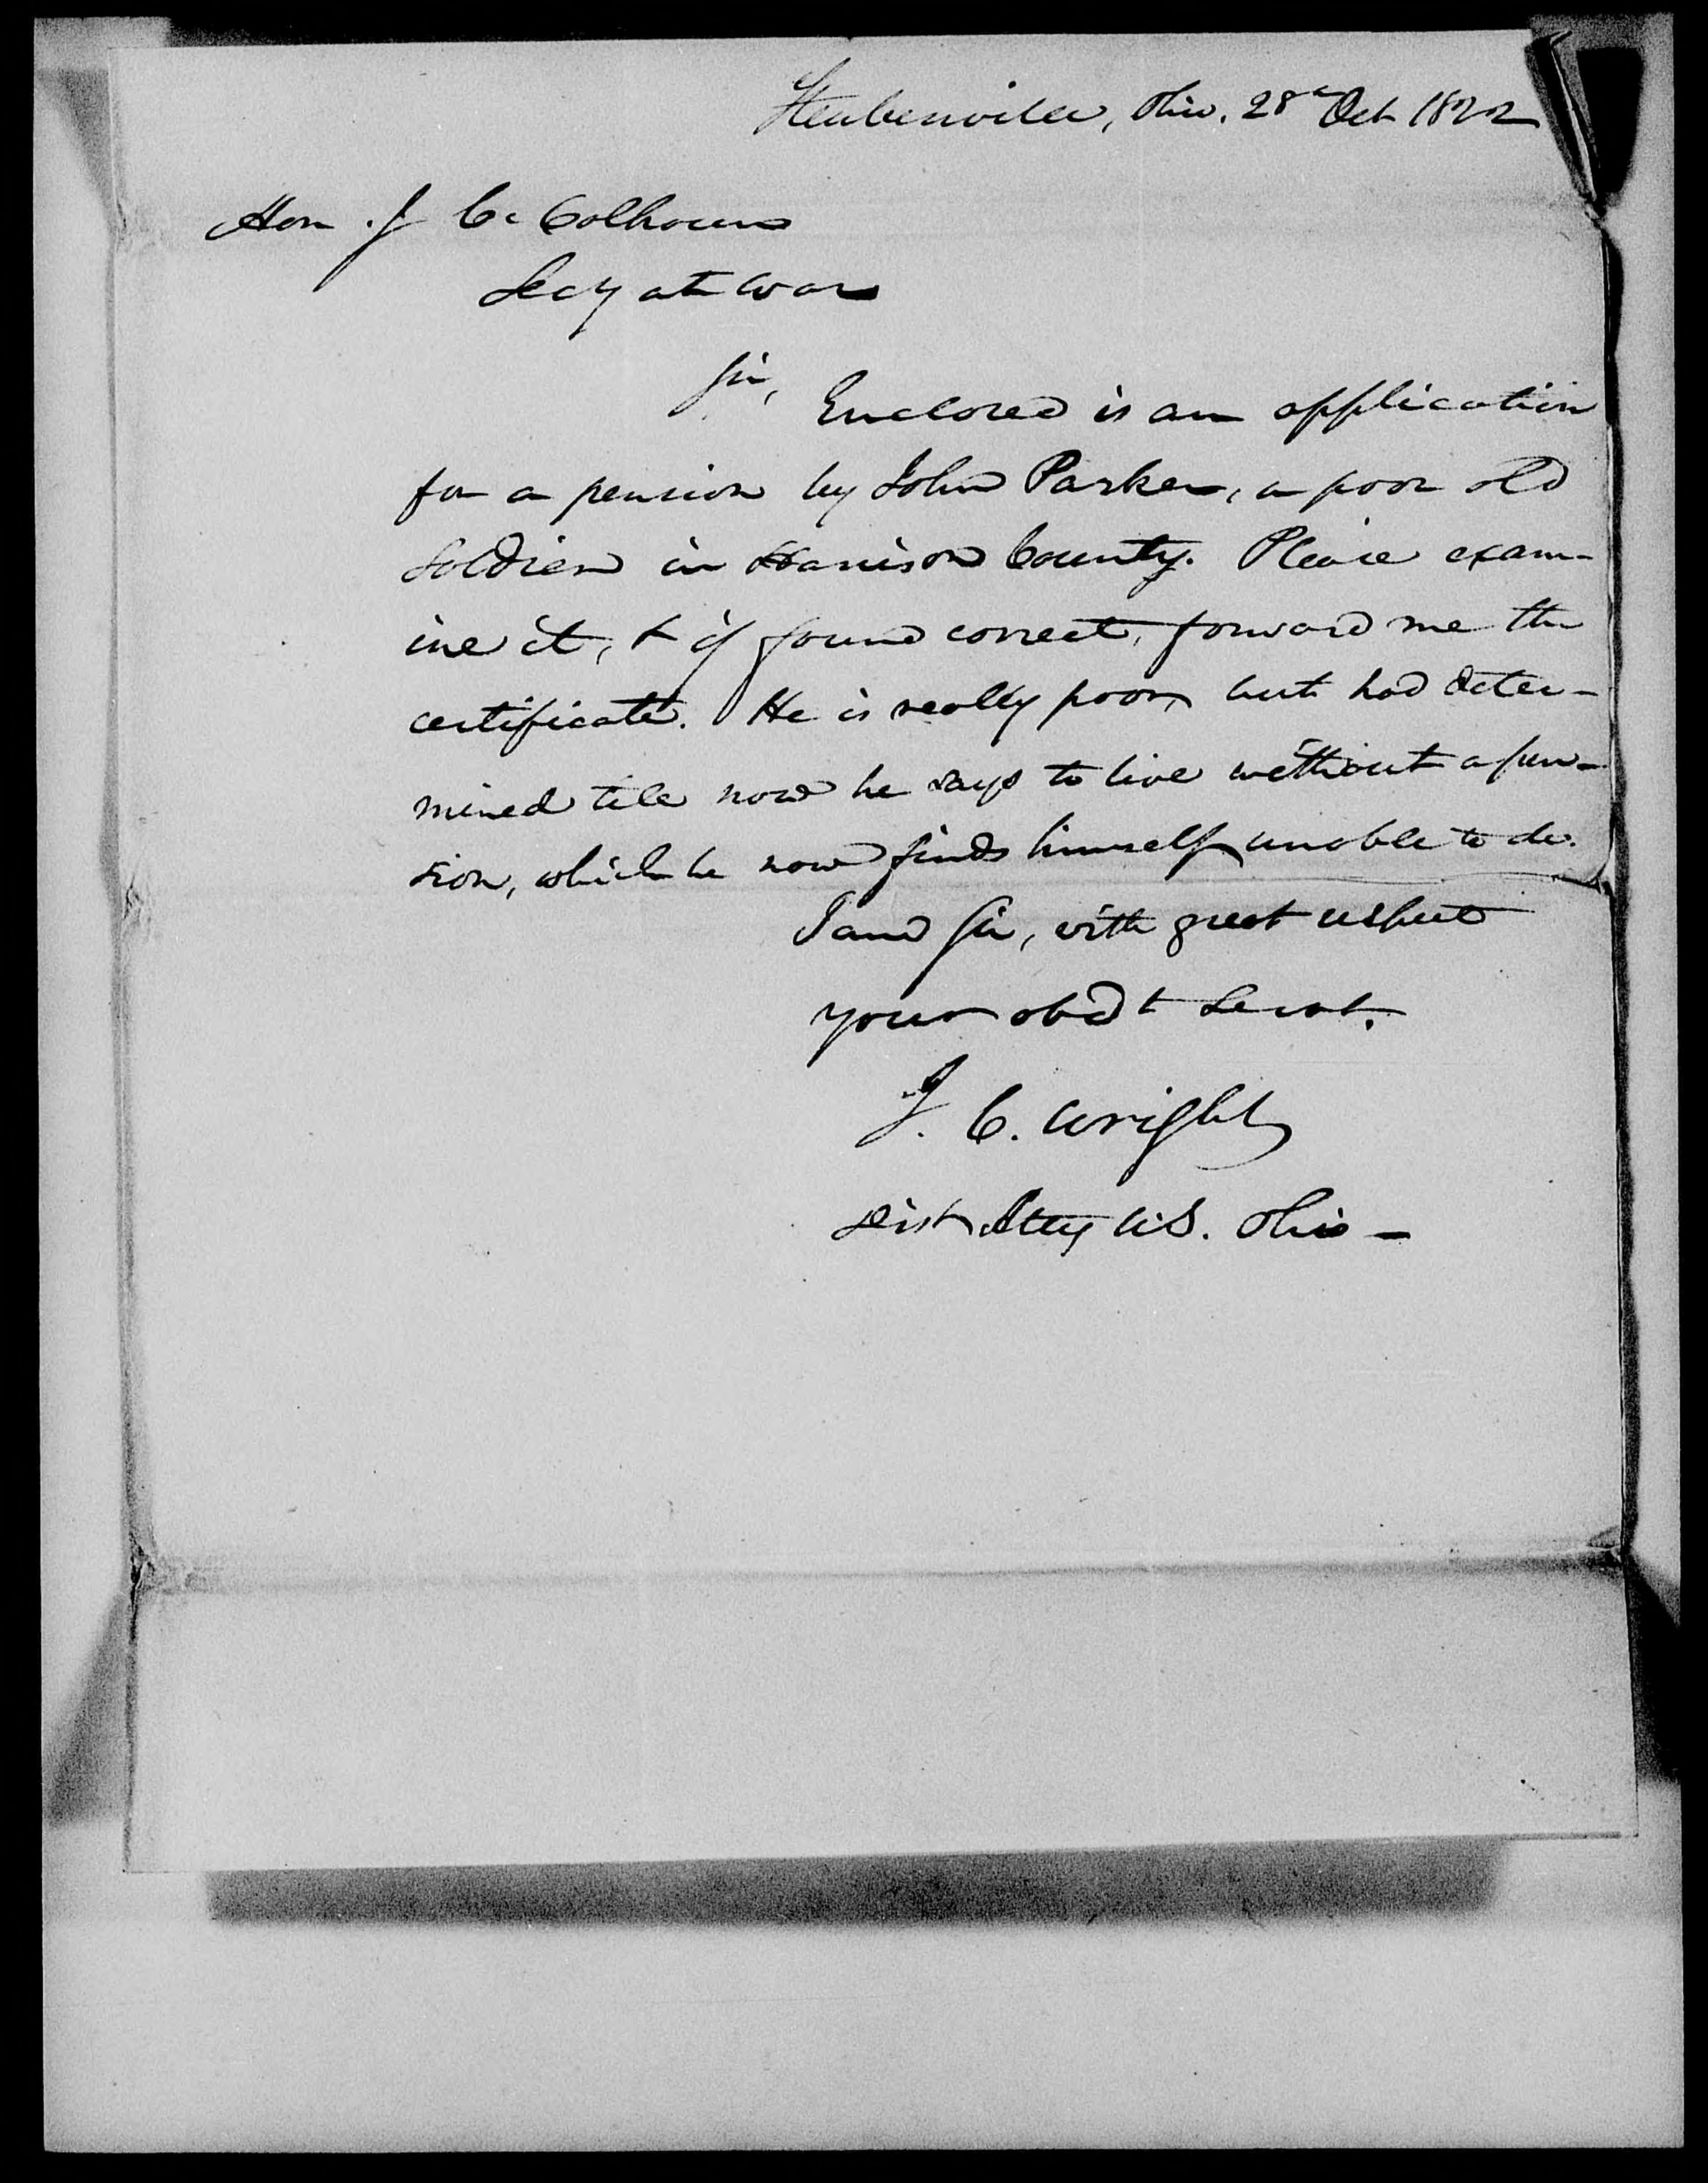Steubenville, Ohio, 28 Oct. 1822

Hon. J. C. Calhoun
Secy. at War
Sir,
Enclosed is an application for a pension by John Parker, a poor old soldier in Harrison County. Please examine it, & if found correct forward me the certificate. He is really poor, but had determined tile [sic] now he says to live without a pension, which he now finds himself unable to do.
I am sir, with great respect
your Obd. Servt.
//s// J. C. Wright
Dist. Atty U.S. Ohio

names: John Parker; J C Calhoun; J C Wright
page: 23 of 40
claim: widow's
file: W. 3,588, for John Parker, Pennsylvania